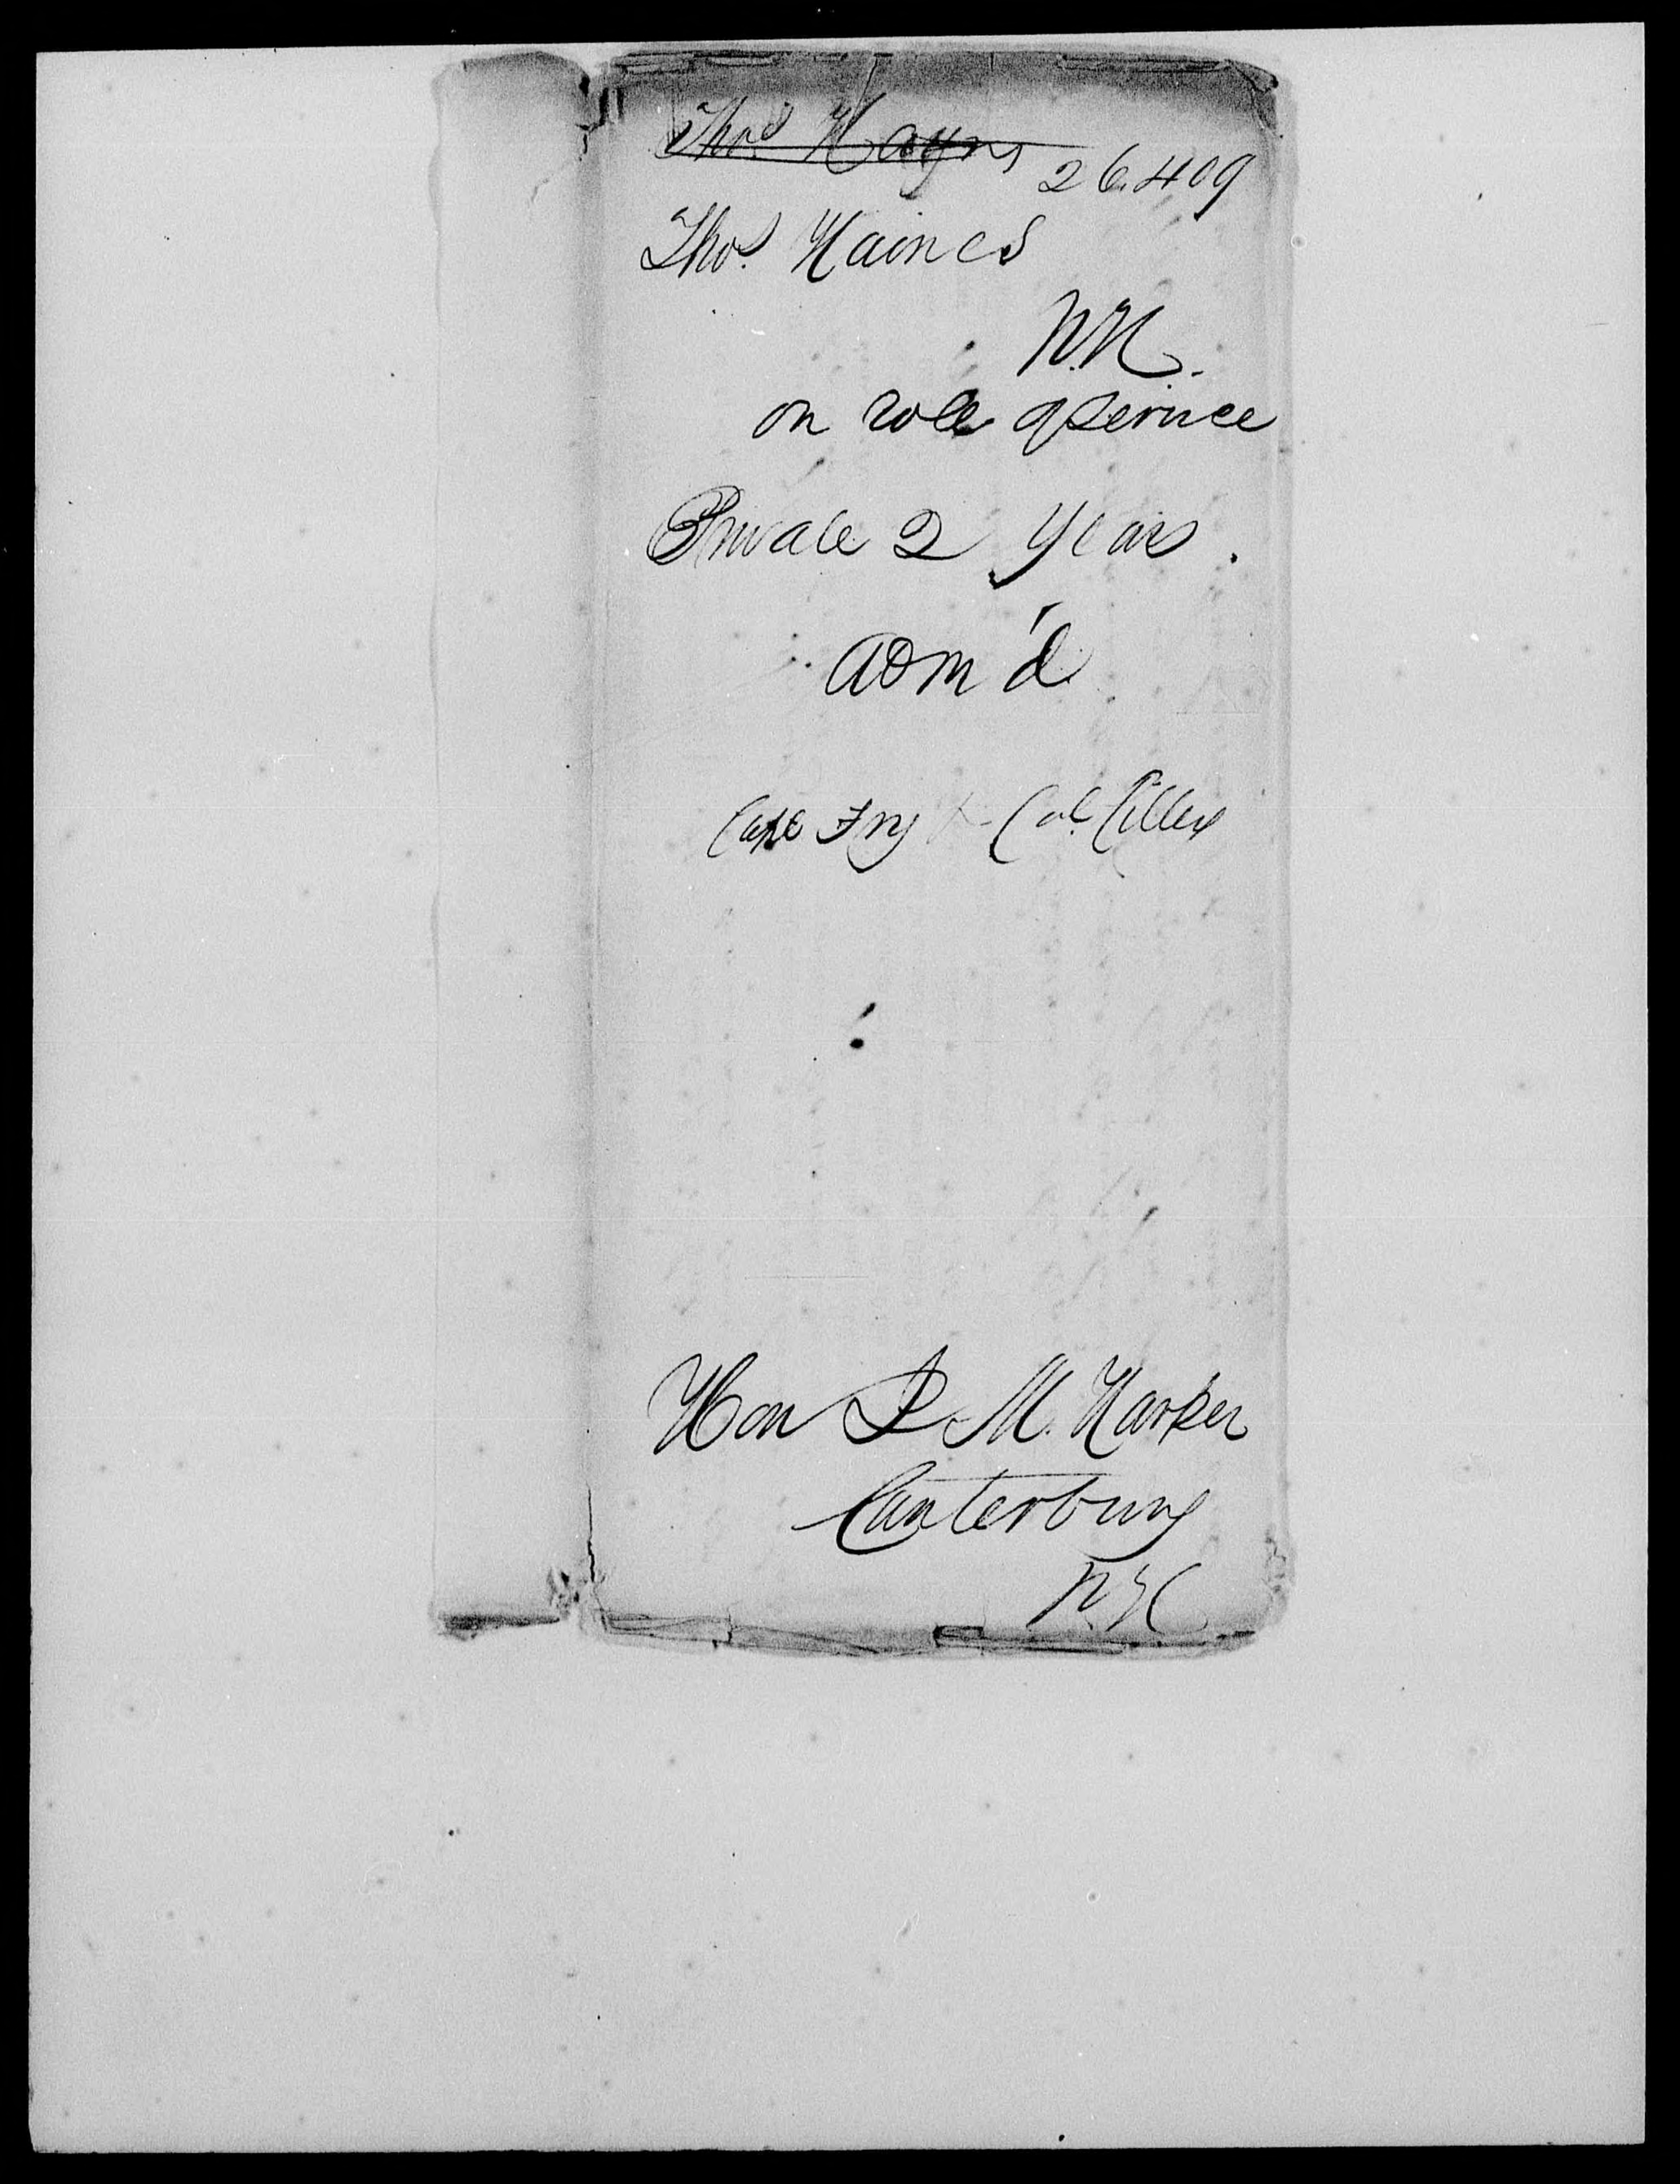[crossed out]
26409
Thos Haines
N. H.
on roll a service
Pinacle 2 years
Aom'd
Capt Fry Colfilley
Con  L. M. Harper
Canterbury
123C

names: Thos Haines, Thos Hayns, J M Harper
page: 53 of 57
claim: widow's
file: W. 23217, Thomas Haines, N H